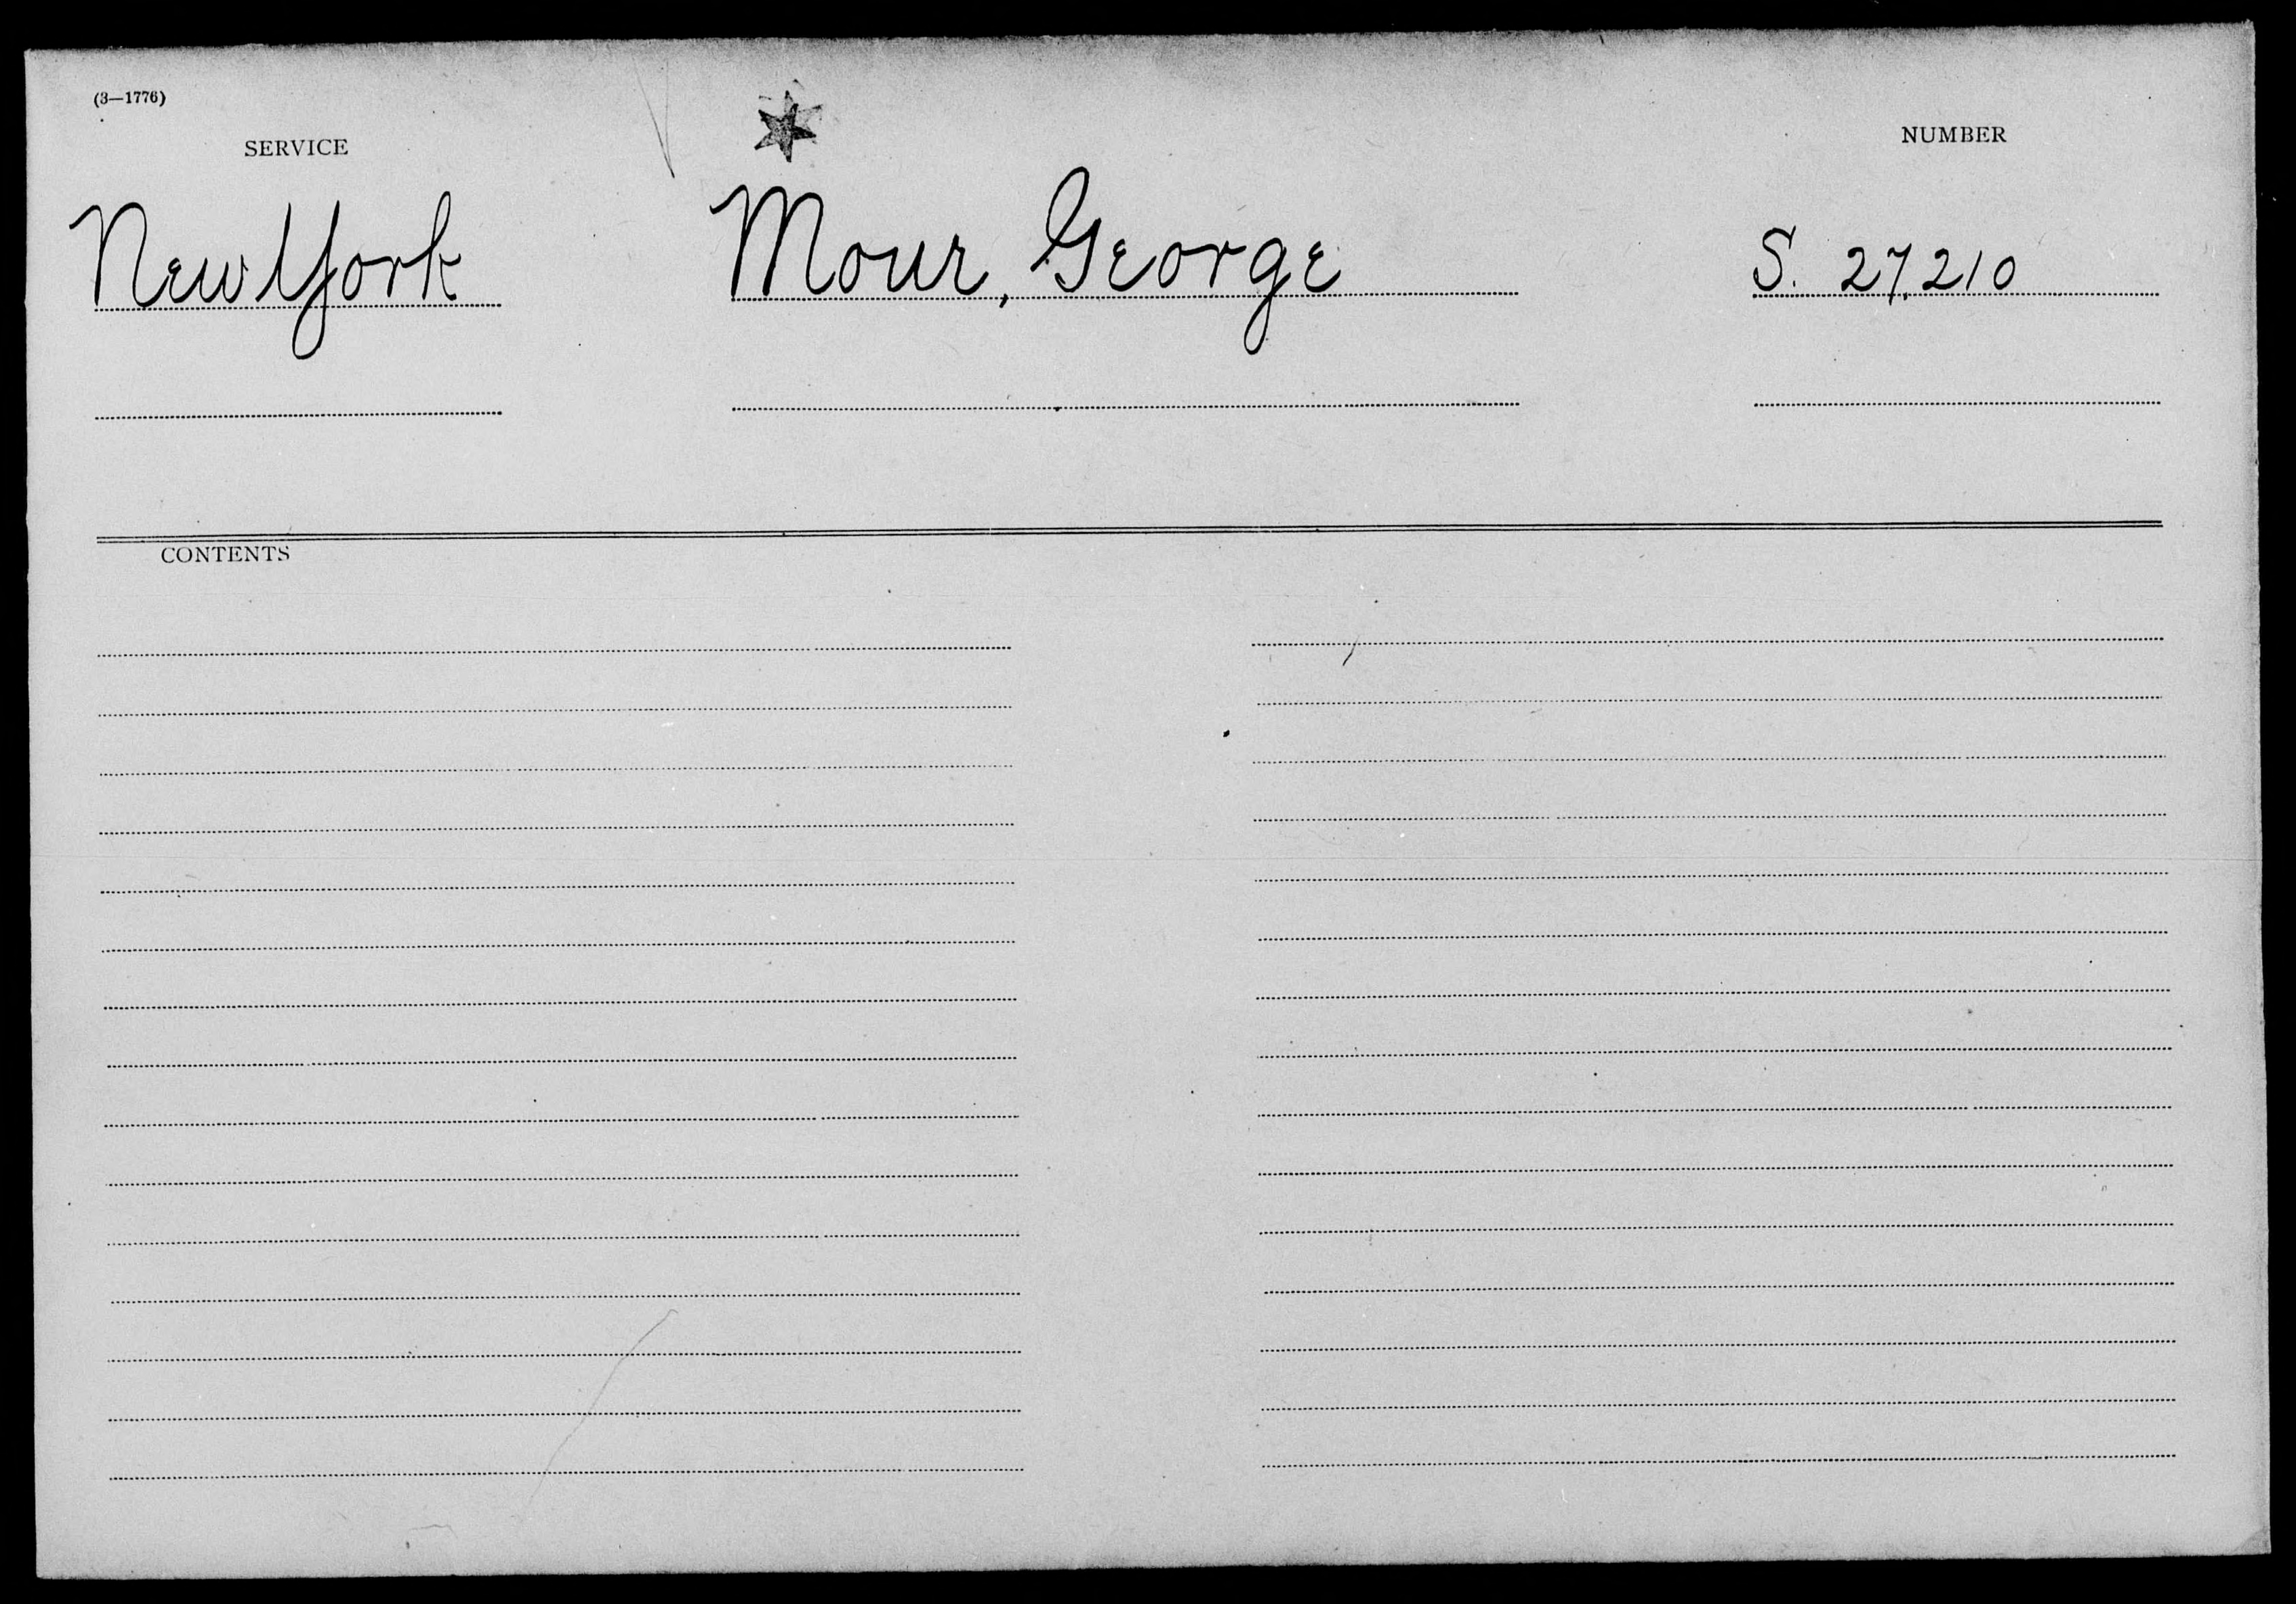(3 - 1776)
SERVICE: New York
Mour, George
NUMBER: S. 27. 210
CONTENTS: [blank]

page: 1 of 11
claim: survivor's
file: S. 27,210, for George Mour, New York